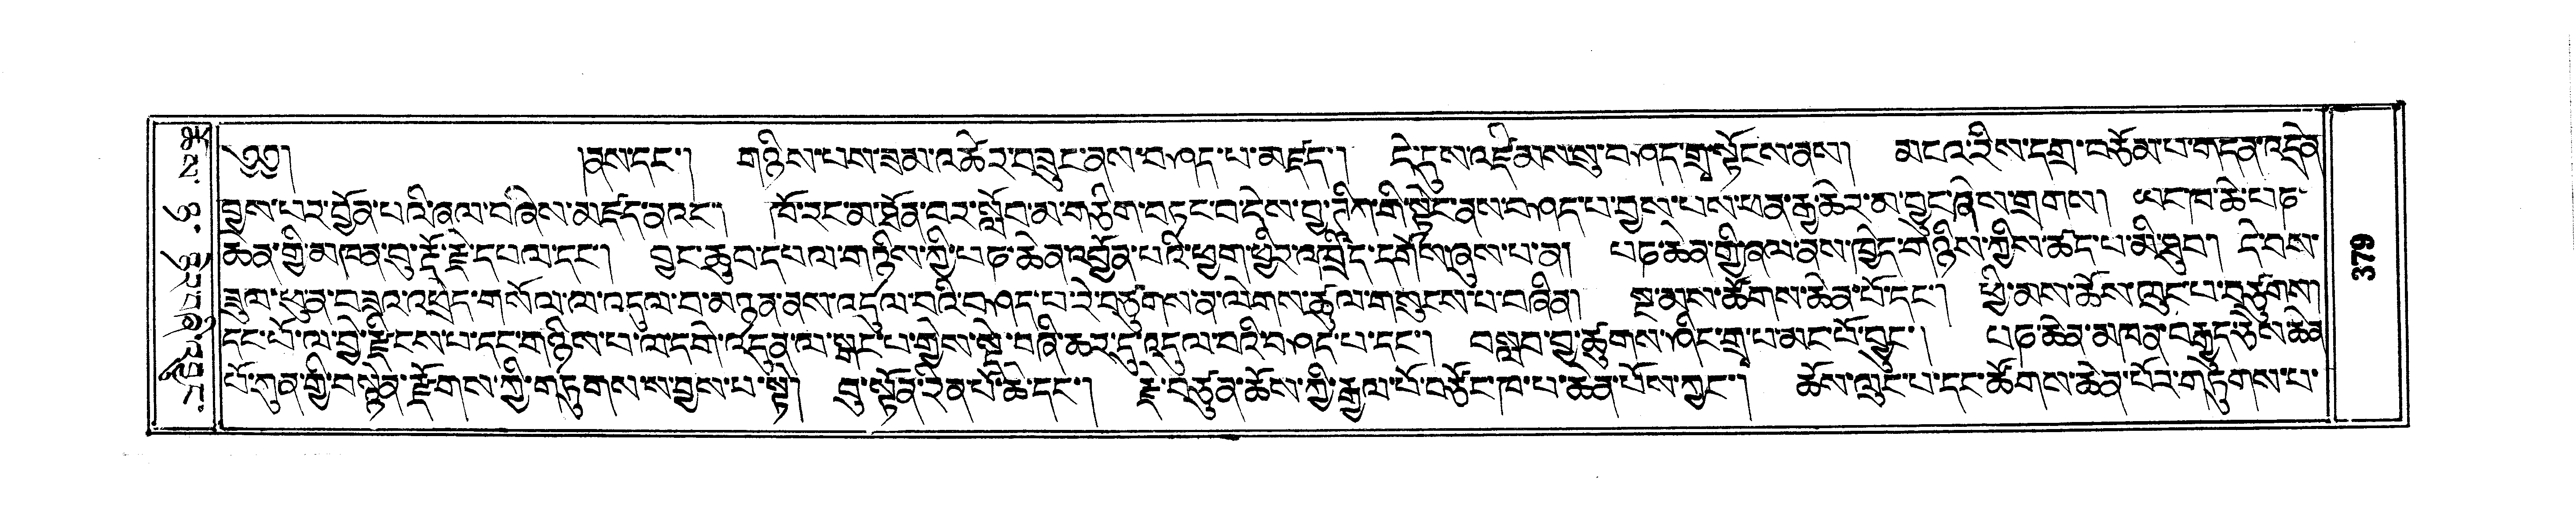༄༅། །ནས་དང་། གཉིས་པས་ཟམ་འཚེར་བཟུང་ནས་བཤད་པ་མཛད། དེ་དུས་འཛིམས་སུ་བཤད་གྲྭ་སྟོངས་ནས། མངའ་རིས་དགྲ་བཅོམ་པ་གདན་འདྲེན་
བྱས་པར་བྱོན་པའི་ཞལ་བཞིས་མཛད་ནའང་། ཁོ་རང་མ་ཐོན་བར་སློབ་མ་གཅིག་བཏང་བ་དེས་བྱ་ཊཱིཀ་གི་སྟེང་ནས་བཤད་པ་བྱས་པས་ཕན་རྒྱ་ཆེར་མ་བྱུང་ཞེས་གྲགས། ཡང་ཁ་ཆེ་པཎ་
ཆེན་གྱི་མཁན་བུ་རྡོ་རྗེ་དཔལ་དང་། བྱང་ཆུབ་དཔལ་གཉིས་ཀྱི་པཎ་ཆེན་འབྱོན་པའི་ཕྱག་ཕྱིར་འཁྲིད་དགོས་ཞུས་པ་ན། པཎ་ཆེན་གྱི་ཞལ་ནས་ཁྱེད་གཉིས་ཀྱིས་ཚད་པ་མི་ཐུབ། དེ་བས་
ཟུལ་ཕུན་བཟའ་འཕྲེད་གསོལ་ལ་འདུལ་བ་མཉན་ནས་འདུལ་བའི་བཤད་པ་རེ་བཙུགས་ན་ལེགས་ཚུལ་གསུངས་པ་བཞིན། སྔ་མས་ཚོགས་ཆེན་པོ་དང་། ཕྱི་མས་ཆོས་ལུང་པ་བཙུགས།
དང་པོ་ལ་བྱེ་རྫིངས་པ་དང་གཉིས་པ་ལ་དགེ་འདུན་ལ་སྒང་པ་གྱེས་སྡེ་བཞི་ཆར་དུ་འདུལ་བའི་བཤད་པ་དང་། བསླབ་བྱ་ཚུགས་ཤིང་གྲྭ་པ་མང་པོ་བྱུང་། པཎ་ཆེན་མཁན་བརྒྱུད་ཅེས་ཆེན་
པོ་ཀུན་གྱི་བསྙེན་རྫོགས་ཀྱི་གཏུགས་ས་བྱས་པ་སྟེ། བུ་སྟོན་རིན་པོ་ཆེ་དང་། རྗེ་བཙུན་ཆོས་ཀྱི་རྒྱལ་པོ་བཙོང་ཁ་པ་ཆེན་པོས་ཀྱང་། ཆོས་ལུང་པ་དང་ཚོགས་ཆེན་པོར་གཏུགས་པ་